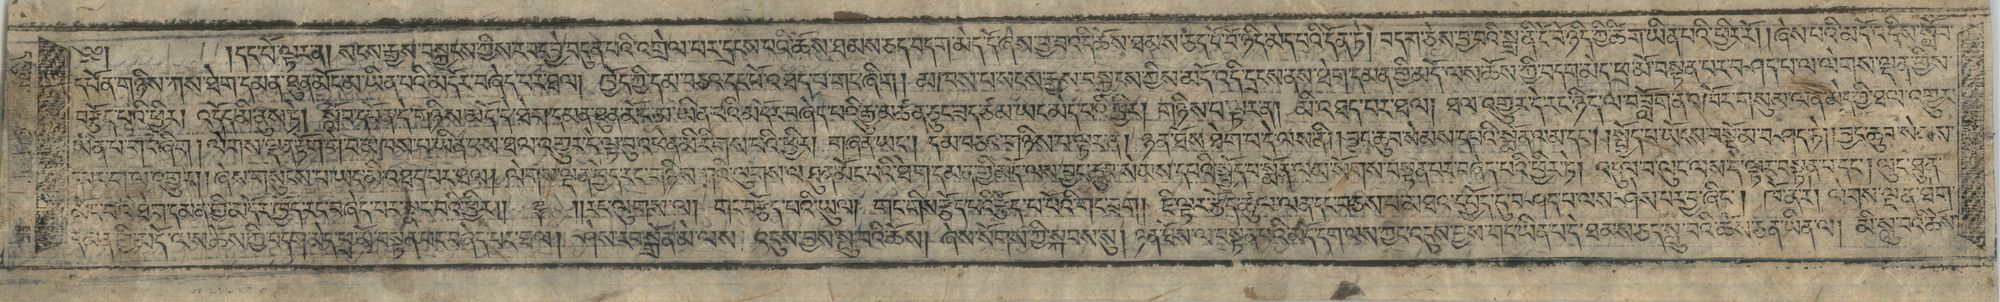༄༅། །དང་པོ་ལྟར་ན། སངས་རྒྱས་བསྐྱངས་ཀྱིས་རབ་དབྱེ་བདུན་པའི་འགྲེལ་བར་དྲངས་པའི་ཆོས་ཐམས་ཅད་བདག་མེད་དོ་ཞེས་བྱ་བ་འདི་ཆོས་ཐམས་ཅད་ངོ་བོ་ཉིད་མེད་པའི་དོན་ཏེ། བདག་ཅེས་བྱ་བའི་སྒྲ་ནི་ངོ་བོ་ཉིད་ཀྱི་ཚིག་ཡིན་པའི་ཕྱིར་རོ། །ཞེས་པའི་མདོ་འདིས་སློབ་
དཔོན་གཉིས་ཀས་ཐེག་དམན་ཐུན་མོང་མ་ཡིན་པའི་མདོར་བཞེད་པར་ཐལ། ཁྱོད་ཀྱི་དམ་བཅའ་དང་པོ་འཐད་པ་གང་ཞིག །མཁས་པ་སངས་རྒྱས་བསྐྱངས་ཀྱིས་མདོ་འདི་དྲངས་ནས་ཐེག་དམན་གྱི་མདོ་ལས་ཆོས་ཀྱི་བདག་མེད་ཕྲ་མོ་བསྟན་པར་བཤད་པ་ལ་ལེགས་ལྡན་གྱིས་
བརྩོདཔའི་ཕྱིར། འདོད་མི་ནུས་ཏེ། སློབ་དཔོན་དེ་གཉིས་མདོ་དེ་ཐེག་དམན་ཐུན་མོང་མ་ཡིན་པའི་མདོར་བཞེད་པའི་རྒྱུ་མཚན་ཅུང་ཟད་ཙམ་ཡང་མེད་པའི་ཕྱིར། གཉིས་པ་ལྟར་ན། མི་འཐད་པར་ཐལ། ཐལ་འགྱུར་དེ་རང་ཉིད་ལ་བཟློག་ན་འཁོར་གསུམ་ལན་མེད་ཀྱི་ཐལ་འགྱུར་
ཡིན་པ་གང་ཞིག །ལེགས་ལྡན་རྟོག་གེ་བ་མཁས་པ་ཡིན་པས་ཐལ་འགྱུར་དེ་ལྟ་བུ་འཕེན་མི་རིགས་པའི་ཕྱིར། གཞན་ཡང་། དམ་བཅའ་གཉིས་པ་ལྟར་ན། ཉན་ཐོས་ཐེག་པ་དེ་ལས་ནི། །བྱང་ཆུབ་སེམས་དཔའི་སྨོན་ལམ་དང་། །སྤྱོད་པ་ཡོངས་བསྔོ་མ་བཤད་ཏེ། །བྱང་ཆུབ་སེམས་
དཔར་ག་ལ་འགྱུར། །ཞེས་གསུངས་པ་ཡང་མི་འཐད་པར་ཐལ། ལེགས་ལྡན་ཁྱེད་རང་གཉིས་ཀའི་ལུགས་ལུ་ཐུན་མོང་བའི་ཐེག་དམན་གྱི་མདོ་ལས་བྱང་ཆུབ་སེམས་དཔའི་སྤྱོད་པ་སྨོན་ལམ་སོགས་བསྟན་པར་བཞེད་པའི་ཕྱིར་ཏེ། འདུལ་བ་ལུང་ལས་དེ་ལྟར་བསྟན་པ་དང་། ལུང་ཐུན་
མོང་བའི་ཐེག་དམན་གྱི་མདོར་ཁྱོད་རང་བཞེད་པར་སྣང་བའི་ཕྱིར།། ༈ །།རང་ལུགས་ལ། གང་བརྩོདཔའི་ཡུལ། གང་གིས་རྩོད་པའི་རྩོད་པ་པོའི་གང་ཟག །ཇི་ལྟར་རྩོད་ཚུལ་ལན་དང་བཅས་པ་མཐའ་དཔྱོད་དུ་བཤད་པ་ལས་ཤེས་པར་བྱ་ཞིང་། ཁོ་ན་རེ། ལེགས་ལྡན་ཐེག་
དམན་གྱི་མདོ་ལས་ཆོས་ཀྱི་བདག་མེད་ཕྲ་མོ་བསྟན་པར་བཞེད་པར་ཐལ། ཤེས་རབ་སྒྲོན་མེ་ལས། འདུས་བྱས་སླུ་བའི་ཆོས། ཞེས་སོགས་ཀྱི་སྐབས་སུ། ཉན་ཐོས་ལ་བསྟན་པའི་མདོ་དག་ལས་ཀྱང་འདུས་བྱས་གང་ཡིན་པ་དེ་ཐམས་ཅད་སླུ་བའི་ཆོས་ཅན་ཡིན་ལ། མི་སླུ་བའི་ཆོས་